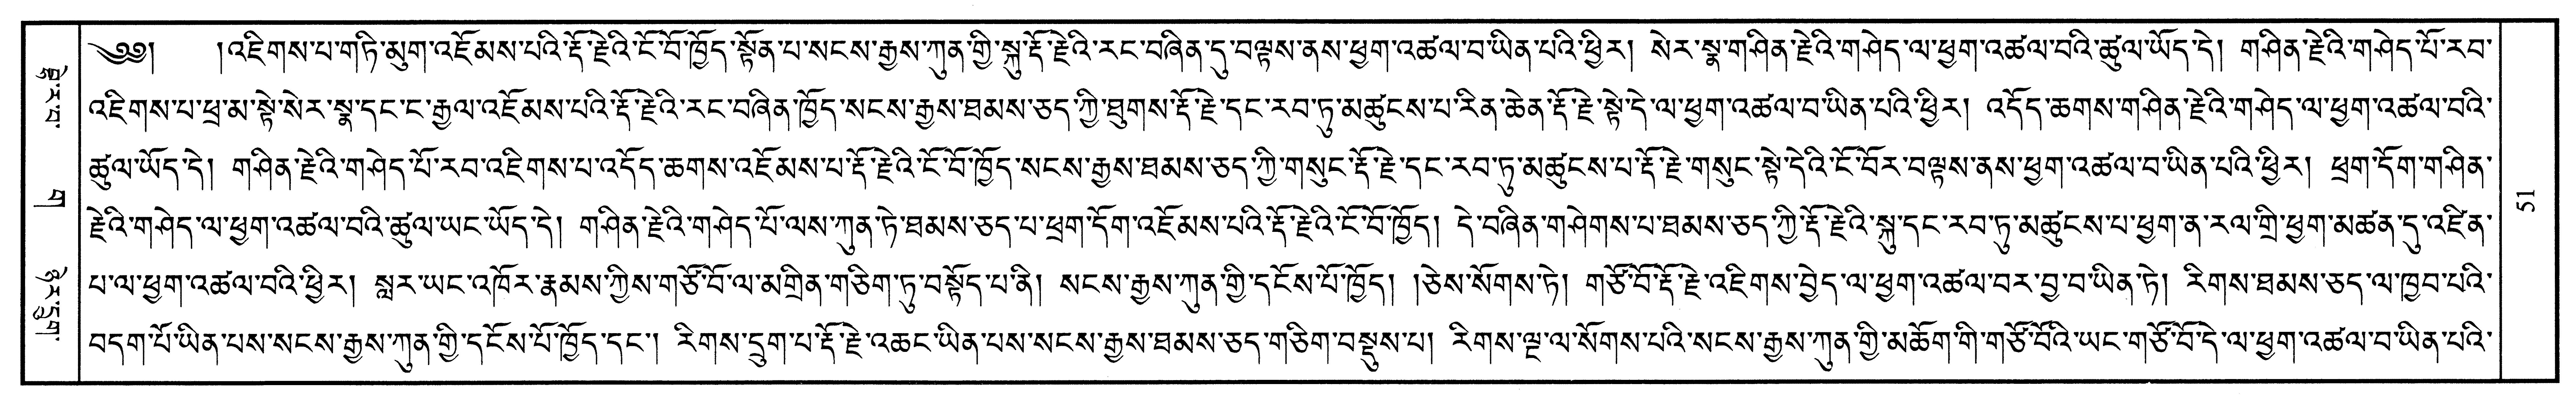༄༅། །འཇིགས་པ་གཏི་མུག་འཇོམས་པའི་རྡོ་རྗེའི་ངོ་བོ་ཁྱོད་སྟོན་པ་སངས་རྒྱས་ཀུན་གྱི་སྐུ་རྡོ་རྗེའི་རང་བཞིན་དུ་བལྟས་ནས་ཕྱག་འཚལ་བ་ཡིན་པའི་ཕྱིར། སེར་སྣ་གཤིན་རྗེའི་གཤེད་ལ་ཕྱག་འཚལ་བའི་ཚུལ་ཡོད་དེ། གཤིན་རྗེའི་གཤེད་པོ་རབ་
འཇིགས་པ་ཕྲ་མ་སྟེ་སེར་སྣ་དང་ང་རྒྱལ་འཇོམས་པའི་རྡོ་རྗེའི་རང་བཞིན་ཁྱོད་སངས་རྒྱས་ཐམས་ཅད་ཀྱི་ཐུགས་རྡོ་རྗེ་དང་རབ་ཏུ་མཚུངས་པ་རིན་ཆེན་རྡོ་རྗེ་སྟེ་དེ་ལ་ཕྱག་འཚལ་བ་ཡིན་པའི་ཕྱིར། འདོད་ཆགས་གཤིན་རྗེའི་གཤེད་ལ་ཕྱག་འཚལ་བའི་
ཚུལ་ཡོད་དེ། གཤིན་རྗེའི་གཤེད་པོ་རབ་འཇིགས་པ་འདོད་ཆགས་འཇོམས་པ་རྡོ་རྗེའི་ངོ་བོ་ཁྱོད་སངས་རྒྱས་ཐམས་ཅད་ཀྱི་གསུང་རྡོ་རྗེ་དང་རབ་ཏུ་མཚུངས་པ་རྡོ་རྗེ་གསུང་སྟེ་དེའི་ངོ་བོར་བལྟས་ནས་ཕྱག་འཚལ་བ་ཡིན་པའི་ཕྱིར། ཕྲག་དོག་གཤིན་
རྗེའི་གཤེད་ལ་ཕྱག་འཚལ་བའི་ཚུལ་ཡང་ཡོད་དེ། གཤིན་རྗེའི་གཤེད་པོ་ལས་ཀུན་ཏེ་ཐམས་ཅད་པ་ཕྲག་དོག་འཇོམས་པའི་རྡོ་རྗེའི་ངོ་བོ་ཁྱོད། དེ་བཞིན་གཤེགས་པ་ཐམས་ཅད་ཀྱི་རྡོ་རྗེའི་སྐུ་དང་རབ་ཏུ་མཚུངས་པ་ཕྱག་ན་རལ་གྲི་ཕྱག་མཚན་དུ་འཛིན་
པ་ལ་ཕྱག་འཚལ་བའི་ཕྱིར། སླར་ཡང་འཁོར་རྣམས་ཀྱིས་གཙོ་བོ་ལ་མགྲིན་གཅིག་ཏུ་བསྟོད་པ་ནི། སངས་རྒྱས་ཀུན་གྱི་དངོས་པོ་ཁྱོད། །ཅེས་སོགས་ཏེ། གཙོ་བོ་རྡོ་རྗེ་འཇིགས་བྱེད་ལ་ཕྱག་འཚལ་བར་བྱ་བ་ཡིན་ཏེ། རིགས་ཐམས་ཅད་ལ་ཁྱབ་པའི་
བདག་པོ་ཡིན་པས་སངས་རྒྱས་ཀུན་གྱི་དངོས་པོ་ཁྱོད་དང་། རིགས་དྲུག་པ་རྡོ་རྗེ་འཆང་ཡིན་པས་སངས་རྒྱས་ཐམས་ཅད་གཅིག་བསྡུས་པ། རིགས་ལྔ་ལ་སོགས་པའི་སངས་རྒྱས་ཀུན་གྱི་མཆོག་གི་གཙོ་བོའི་ཡང་གཙོ་བོ་དེ་ལ་ཕྱག་འཚལ་བ་ཡིན་པའི་